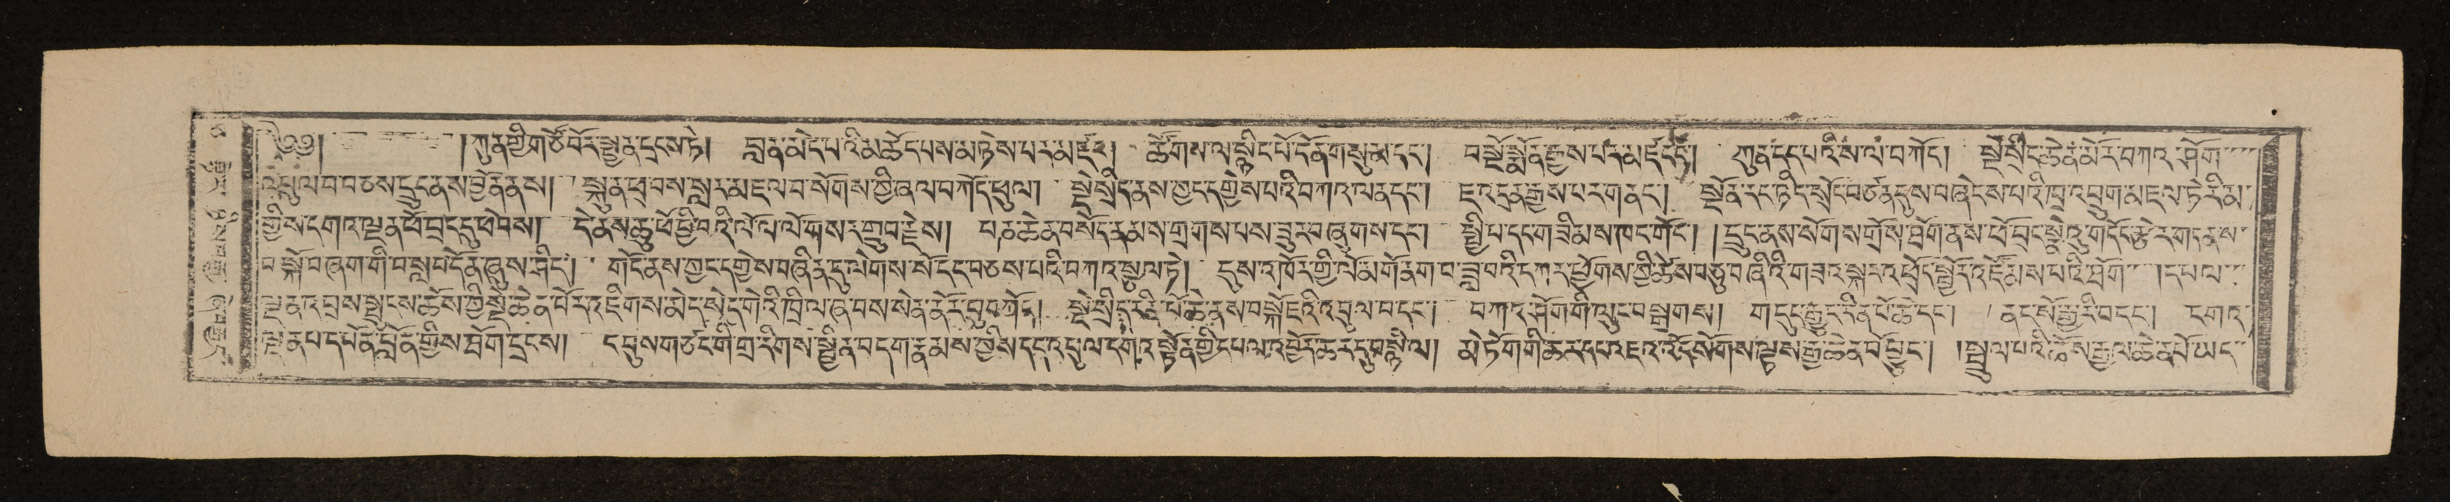༄༅། །ཀུན་གྱི་གཙོ་བོར་སྤྱན་དྲངས་ཏེ། བླ་ན་མེད་པའི་མཆོད་པས་མཉེས་པར་མཛད། ཚོགས་ལ་སྙིང་པོ་དོན་གསུམ་དང་། བསྔོ་སྨོན་རྒྱས་པར་མཛད་དོ། ཀུན་དང་པའི་ས་ལ་བཀོད། སྡེ་སྲིད་ཆེན་མོར་བཀའ་ཤོག་
འབུལ་བ་བཅས་དྲུང་ནས་བྱོན་ནས། སྐུན་ཕྲ་བས་སླར་མཇལ་བ་སོགས་ཀྱི་ཞལ་བཀོད་ཕུལ། སྡེ་སྲིད་ནས་ཀྱང་དགྱེས་པའི་བཀའ་ལན་དང་། ཇ་འདྲེན་རྒྱས་པར་གནང་། སྔོན་རང་ཉིད་སྲོང་བཙན་དུས་བཞེངས་པའི་ཁྲ་འབྲུག་མཇལ་ཏེ་རིམ་
གྱིས་དགའ་ལྡན་ཕོ་བྲང་དུ་ཕེབས། དེ་ནས་ཆུ་ཕོ་བྱི་བའི་ལོ་ལ་ལོ་གསར་གྲུབ་རྗེས། པཎ་ཆེན་བསོད་ནམས་གྲགས་པས་ཟུར་བཞུགས་དང་། སྤྱི་པ་དང་གཟིམས་ཁང་གོང་། དྲུང་ནས་སོགས་གྲོས་ཐོག་ནས་ཕོ་བྲང་སྣེའུ་གདོང་རྩེར་གདན་ནས་
བསྐོ་བཞག་གི་བསླབ་དོན་ཞུས་ཤིང་། གོང་ནས་ཀྱང་དགྱེས་བཞིན་དུ་ལེགས་སོ་དང་བཅས་པའི་བཀའ་སྩལ་ཏེ། དུས་འཁོར་གྱི་ལོ་མགོ་ནག་པ་ཟླ་བའི་དཀར་ཕྱོགས་ཀྱི་ཚེས་བཅུ་བཞིའི་གཟའ་སྐར་འཕྲོད་སྦྱོར་འཛོམས་པའི་ཐོག །དཔལ་
ལྡན་འབྲས་སྤུངས་ཆོས་ཀྱི་སྡེ་ཆེན་པོར་འཇིགས་མེད་སེང་གེའི་ཁྲིལ་ཞ་བས་སེན་ནོར་བུ་བཀོད། སྡེ་སྲིད་རིན་པོ་ཆེ་ནས་བསྐོ་ཇའི་འབུལ་བ་དང་། བཀའ་ཤོག་གི་ལུང་བསྒྲགས། གདུང་རྒྱུད་རིན་པོ་ཆེ་དང་། ནང་སོ་རྒྱ་རིབ་དང་། དགའ་
ལྡན་པ་དཔོན་བློན་གྱིས་ཐོག་དྲངས། དབུས་གཙང་གི་གྲྭ་རིགས་སྦྱིན་བདག་རྣམས་ཀྱིས་དད་འབུལ་དགའ་སྟོན་གྱི་དཔལ་འབྱོར་ཆར་དུ་བསྙིལ། མེ་ཏོག་གི་ཆར་དང་འཇའ་འོད་སོགས་ལྟས་རྒྱ་ཆེན་པོ་བྱུང་། སྤྲུལ་པའི་ཆོས་རྒྱལ་ཆེན་པོ་ཡང་